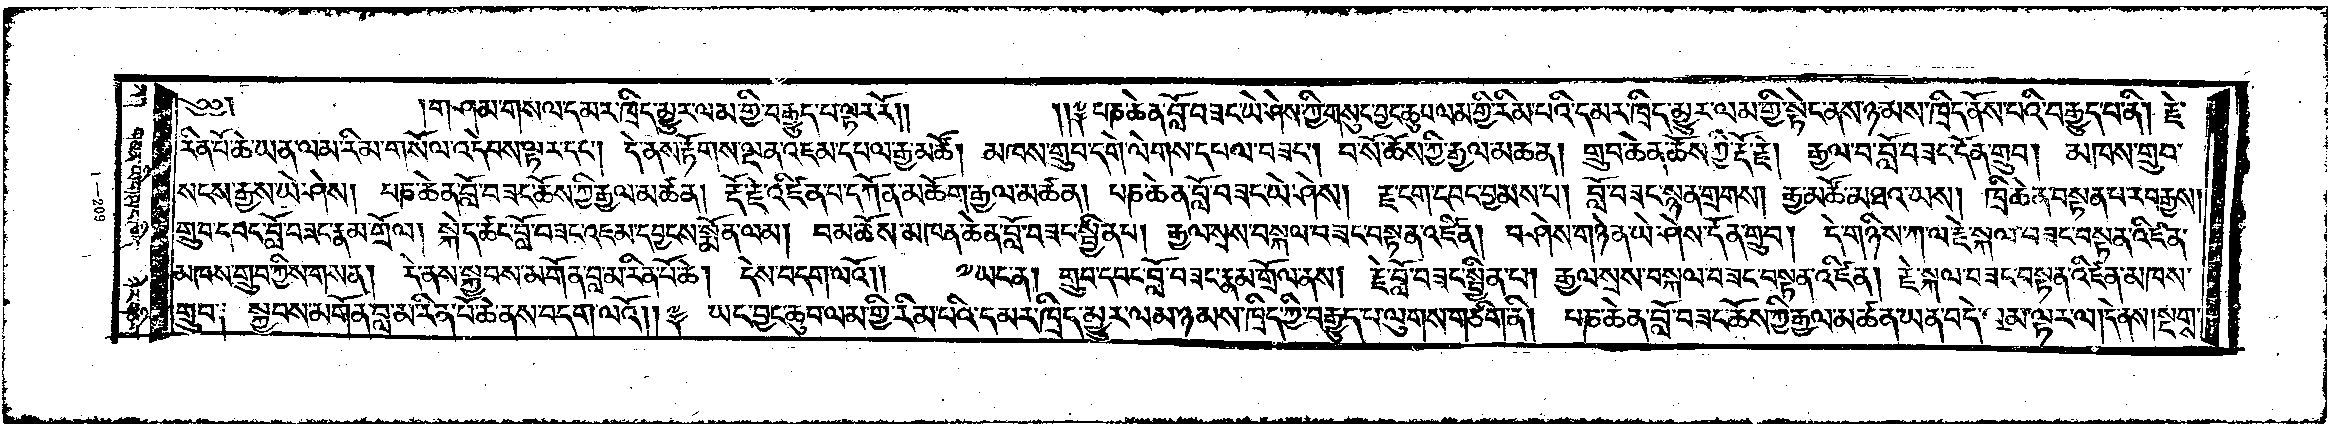༄༅། །གཤམ་གསལ་དམར་ཁྲིད་མྱུར་ལམ་གྱི་བརྒྱུད་པ་ལྟར་རོ།། །།འ་པཎ་ཆེན་བློ་བཟང་ཡེ་ཤེས་ཀྱི་གསུང་བྱང་ཆུབ་ལམ་གྱི་རིམ་པའི་དམར་ཁྲིད་མྱུར་ལམ་གྱི་སྟེང་ནས་ཉམས་ཁྲིད་ནོས་པའི་བརྒྱུད་པ་ནི། རྗེ་
རིན་པོ་ཆེ་ཡན་ལམ་རིམ་གསོལ་འདེབས་ལྟར་དང་། དེ་ནས་རྟོགས་ལྡན་འཇམ་དཔལ་རྒྱ་མཚོ། མཁས་གྲུབ་དགེ་ལེགས་དཔལ་བཟང་། བ་སོ་ཆོས་ཀྱི་རྒྱལ་མཆན། གྲུབ་ཆེན་ཆོས་ཀྱི་རྡོ་རྗེ། རྒྱལ་བ་བློ་བཟང་དོན་གྲུབ། མཁས་གྲུབ་
སངས་རྒྱས་ཡེ་ཤེས། པཎ་ཆེན་བློ་བཟང་ཆོས་ཀྱི་རྒྱལ་མཚན། རྡོ་རྗེ་འཛིན་པ་དཀོན་མཆོག་རྒྱལ་མཚན། པཎ་ཆེན་བློ་བཟང་ཡེ་ཤེས། རྗེ་ངག་དབང་བྱམས་པ། བློ་བཟང་སྙན་གྲགས། རྒྱ་མཚོ་མཐའ་ཡས། ཁྲི་ཆེན་བསྟན་པར་བརྒྱས།
གྲུབ་དབང་བློ་བཟང་རྣམ་གྲོལ། སྐེད་ཚང་བློ་བཟང་འཇམ་དབྱངས་སྨོན་ལ། བམ་ཆོས་མཁན་ཆེན་བློ་བཟང་སྦྱིན་པ། རྒྱལ་སྲས་བསྐལ་བཟང་བསྟན་འཛིན། བཤེས་གཉེན་ཡེ་ཤེས་དོན་གྲུབ། དེ་གཉིས་ཀ་ལ་རྗེ་སྐལ་བཟང་བསྟན་འཛིན་
མཁས་གྲུབ་ཀྱིས་གསན། དེ་ནས་སྐྱབས་མགོན་བླ་མ་རིན་པོ་ཆེ། དེས་བདག་ལའོ།། ༧ཡང་ན། གྲུབ་དབང་བློ་བཟང་རྣམ་གྲོལ་ནས། རྗེ་བློ་བཟང་སྦྱིན་པ། རྒྱལ་སྲས་བསྐལ་བཟང་བསྟན་འཛིན། རྗེ་སྐལ་བཟང་བསྟན་འཛིན་མཁས་
གྲུབ༑ སྐྱབས་མགོན་བླ་མ་རིན་པོ་ཆེ་ནས་བདག་ལའོ།། འ་ཡང་བྱང་ཆུབ་ལམ་གྱི་རིམ་པའི་དམར་ཁྲིད་མྱུར་ལམ་ཉམས་ཁྲིད་ཀྱི་བརྒྱུད་པ་ལུགས་གཅིག་ནི། པཎ་ཆེན་བློ་བཟང་ཆོས་ཀྱི་རྒྱལ་མཚན་ཡན་བདེ་ལམ་ལྟར་ལ་།དེ་ནས་།སྔགས་